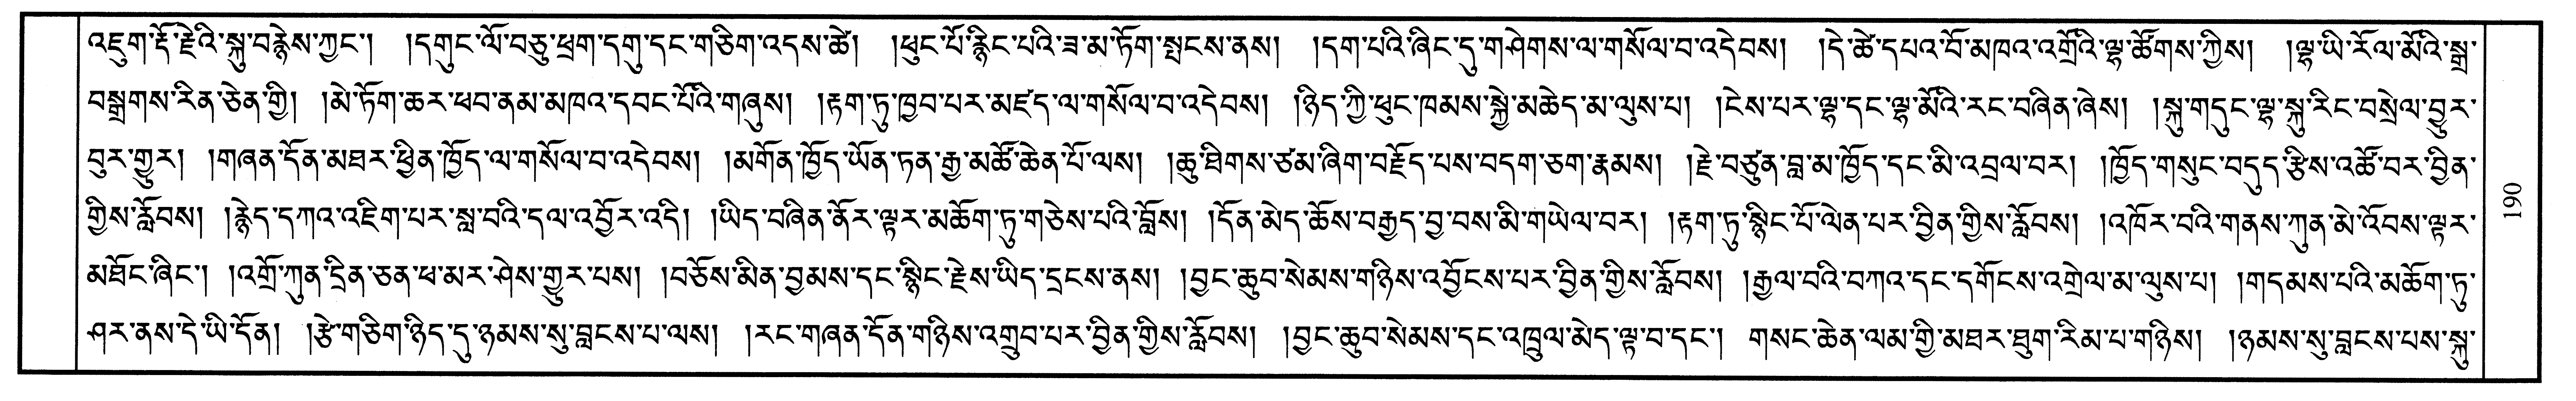འཇུག་རྡོ་རྗེའི་སྐུ་བརྙེས་ཀྱང་། །དགུང་ལོ་བཅུ་ཕྲག་དགུ་དང་གཅིག་འདས་ཚེ། །ཕུང་པོ་རྙིང་པའི་ཟ་མ་ཏོག་སྤངས་ནས། །དག་པའི་ཞིང་དུ་གཤེགས་ལ་གསོལ་བ་འདེབས། །དེ་ཚེ་དཔའ་བོ་མཁའ་འགྲོའི་ལྷ་ཚོགས་ཀྱིས། །ལྷ་ཡི་རོལ་མོའི་སྒྲ་
བསྒྲགས་རིན་ཅེན་གྱི། །མེ་ཏོག་ཆར་ཕབ་ནམ་མཁའ་དབང་པོའི་གཞུས། །རྟག་ཏུ་ཁྱབ་པར་མཛད་ལ་གསོལ་བ་འདེབས། །ཉིད་ཀྱི་ཕུང་ཁམས་སྐྱེ་མཆེད་མ་ལུས་པ། །ངེས་པར་ལྷ་དང་ལྷ་མོའི་རང་བཞིན་ཞེས། །སྐུ་གདུང་ལྷ་སྐུ་རིང་བསྲེལ་བྱུར་
བུར་གྱུར། །གཞན་དོན་མཐར་ཕྱིན་ཁྱོད་ལ་གསོལ་བ་འདེབས། །མགོན་ཁྱོད་ཡོན་ཏན་རྒྱ་མཚོ་ཆེན་པོ་ལས། །ཆུ་ཐིགས་ཙམ་ཞིག་བརྗོད་པས་བདག་ཅག་རྣམས། །རྗེ་བཙུན་བླ་མ་ཁྱོད་དང་མི་འབྲལ་བར། །ཁྱོད་གསུང་བདུད་རྩིས་འཚོ་བར་བྱིན་
གྱིས་རློབས། །རྙེད་དཀའ་འཇིག་པར་སླ་བའི་དལ་འབྱོར་འདི། །ཡིད་བཞིན་ནོར་ལྟར་མཆོག་ཏུ་གཅེས་པའི་བློས། །དོན་མེད་ཆོས་བརྒྱད་བྱ་བས་མི་གཡེལ་བར། །རྟག་ཏུ་སྙིང་པོ་ལེན་པར་བྱིན་གྱིས་རློབས། །འཁོར་བའི་གནས་ཀུན་མེ་འོབས་ལྟར་
མཐོང་ཞིང་། །འགྲོ་ཀུན་དྲིན་ཅན་ཕ་མར་ཤེས་གྱུར་པས། །བཅོས་མིན་བྱམས་དང་སྙིང་རྗེས་ཡིད་དྲངས་ནས། །བྱང་ཆུབ་སེམས་གཉིས་འབྱོངས་པར་བྱིན་གྱིས་རློབས། །རྒྱལ་བའི་བཀའ་དང་དགོངས་འགྲེལ་མ་ལུས་པ། །གདམས་པའི་མཆོག་ཏུ་
ཤར་ནས་དེ་ཡི་དོན། །རྩེ་གཅིག་ཉིད་དུ་ཉམས་སུ་བླངས་པ་ལས། རང་གཞན་དོན་གཉིས་འགྲུབ་པར་བྱིན་གྱིས་རློབས། །བྱང་ཆུབ་སེམས་དང་འཁྲུལ་མེད་ལྟ་བ་དང་། གསང་ཆེན་ལམ་གྱི་མཐར་ཐུག་རིམ་པ་གཉིས། །ཉམས་སུ་བླངས་པས་སྐུ་